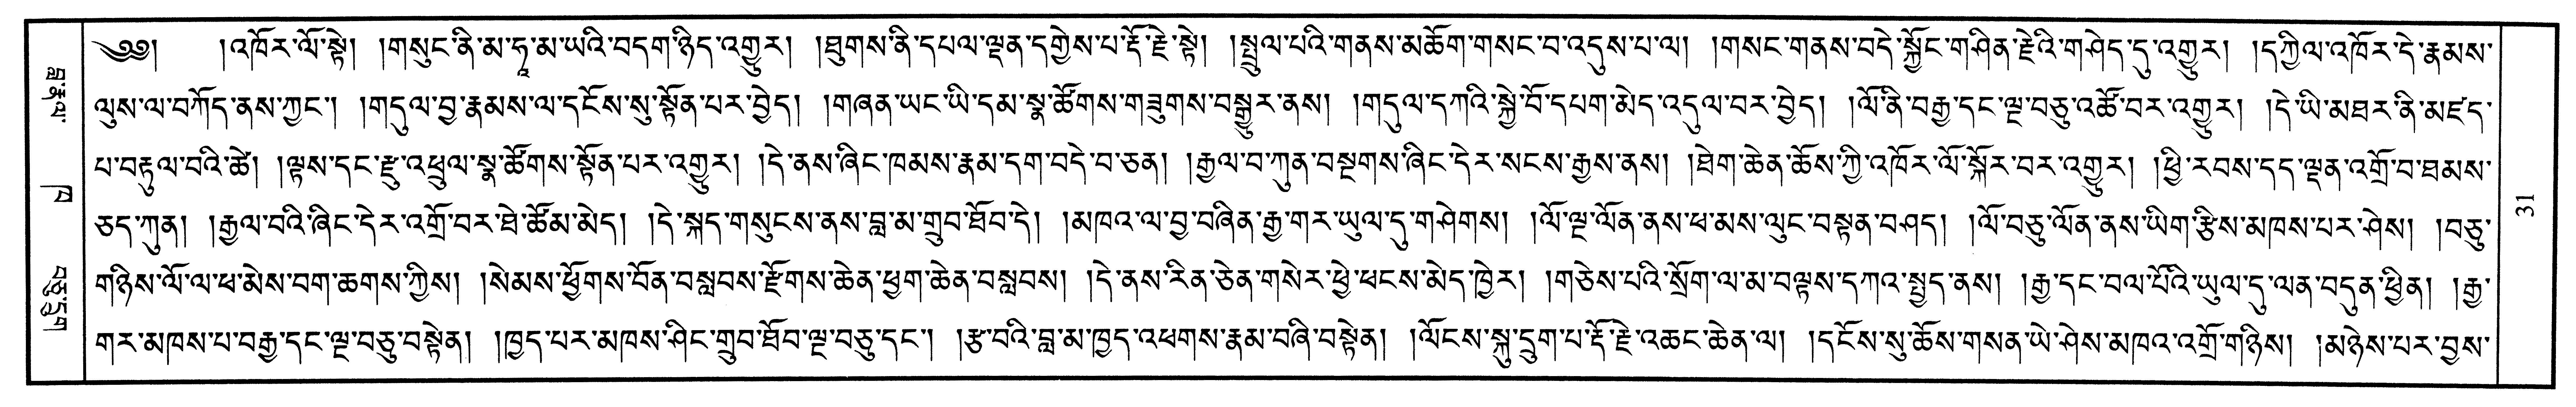༄༅། །འཁོར་ལོ་སྟེ། །གསུང་ནི་མ་ཧཱ་མ་ཡའི་བདག་ཉིད་འགྱུར། །ཐུགས་ནི་དཔལ་ལྡན་དགྱེས་པ་རྡོ་རྗེ་སྟེ། །སྤྲུལ་པའི་གནས་མཆོག་གསང་བ་འདུས་པ་ལ། །གསང་གནས་བདེ་སྐྱོང་གཤིན་རྗེའི་གཤེད་དུ་འགྱུར། །དཀྱིལ་འཁོར་དེ་རྣམས་
ལུས་ལ་བཀོད་ནས་ཀྱང་། །གདུལ་བྱ་རྣམས་ལ་དངོས་སུ་སྟོན་པར་བྱེད། །གཞན་ཡང་ཡི་དམ་སྣ་ཚོགས་གཟུགས་བསྒྱུར་ནས། །གདུལ་དཀའི་སྐྱེ་བོ་དཔག་མེད་འདུལ་བར་བྱེད། །ལོ་ནི་བརྒྱ་དང་ལྔ་བཅུ་འཚོ་བར་འགྱུར། །དེ་ཡི་མཐར་ནི་མཛད་
པ་བརྟུལ་བའི་ཚེ། །ལྟས་དང་རྫུ་འཕྲུལ་སྣ་ཚོགས་སྟོན་པར་འགྱུར། །དེ་ནས་ཞིང་ཁམས་རྣམ་དག་བདེ་བ་ཅན། །རྒྱལ་བ་ཀུན་བསྔགས་ཞིང་དེར་སངས་རྒྱས་ནས། །ཐེག་ཆེན་ཆོས་ཀྱི་འཁོར་ལོ་སྐོར་བར་འགྱུར། །ཕྱི་རབས་དད་ལྡན་འགྲོ་བ་ཐམས་
ཅད་ཀུན། །རྒྱལ་བའི་ཞིང་དེར་འགྲོ་བར་ཐེ་ཚོམ་མེད། །དེ་སྐད་གསུངས་ནས་བླ་མ་གྲུབ་ཐོབ་དེ། །མཁའ་ལ་བྱ་བཞིན་རྒྱ་གར་ཡུལ་དུ་གཤེགས། །ལོ་ལྔ་ལོན་ནས་ཕ་མས་ལུང་བསྟན་བཤད། །ལོ་བཅུ་ལོན་ནས་ཡིག་རྩིས་མཁས་པར་ཤེས། །བཅུ་
གཉིས་ལོ་ལ་ཕ་མེས་བག་ཆགས་ཀྱིས། །སེམས་ཕྱོགས་བོན་བསླབས་རྫོགས་ཆེན་ཕྱག་ཆེན་བསླབས། །དེ་ནས་རིན་ཅེན་གསེར་ཕྱེ་ཕངས་མེད་ཁྱེར། །གཅེས་པའི་སྲོག་ལ་མ་བལྟས་དཀའ་སྤྱད་ནས། །རྒྱ་དང་བལ་པོའི་ཡུལ་དུ་ལན་བདུན་ཕྱིན། །རྒྱ་
གར་མཁས་པ་བརྒྱ་དང་ལྔ་བཅུ་བསྟེན། །ཁྱད་པར་མཁས་ཤིང་གྲུབ་ཐོབ་ལྔ་བཅུ་དང་། །རྩ་བའི་བླ་མ་ཁྱད་འཕགས་རྣམ་བཞི་བསྟེན། །ལོངས་སྐུ་དྲུག་པ་རྡོ་རྗེ་འཆང་ཆེན་ལ། །དངོས་སུ་ཆོས་གསན་ཡེ་ཤེས་མཁའ་འགྲོ་གཉིས། །མཉེས་པར་བྱས་